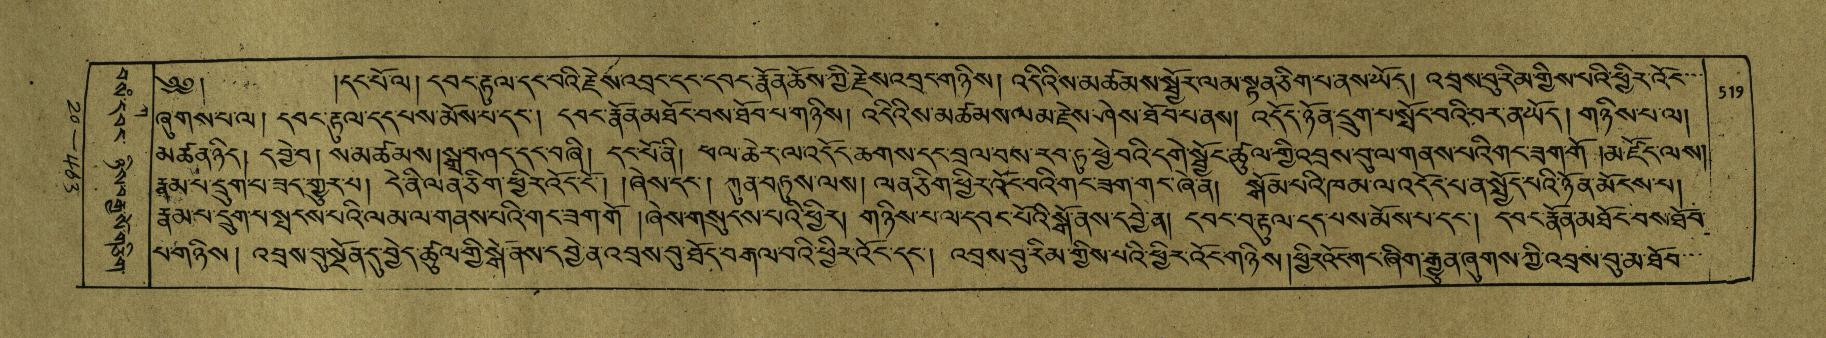༄༅། །དང་པོ་ལ། དབང་རྟུལ་དང་བའི་རྗེས་འབྲང་དང་དབང་རྣོན་ཆོས་ཀྱི་རྗེས་འབྲང་གཉིས། འདིའི་ས་མཚམས་སྦྱོར་ལམ་སྟན་ཅིག་པ་ནས་ཡོད། འབྲས་བུ་རིམ་གྱིས་པའི་ཕྱིར་འོང་
ཞུགས་པ་ལ། དབང་རྟུལ་དད་པས་མོས་པ་དང་། དབང་རྣོན་མཐོང་བས་ཐོབ་པ་གཉིས། འདིའི་ས་མཚམས་ལམ་རྗེས་ཤེས་ཐོབ་པ་ནས། འདོད་ཉོན་དྲུག་པ་སྤོང་བའི་བར་ན་ཡོད། གཉིས་པ་ལ།
མཚན་ཉིད། དབྱེ་བ། ས་མཚམས། སྒྲ་བཤད་དང་བཞི། དང་པོ་ནི། ཕལ་ཆེར་ལ་འདོད་ཆགས་དང་བྲལ་བས་རབ་ཏུ་ཕྱེ་བའི་དགེ་སྦྱོང་ཚུལ་གྱི་འབྲས་བུ་ལ་གནས་པའི་གང་ཟག་གོ །མཛོད་ལས།
རྣམ་པ་དྲུག་པ་ཟད་གྱུར་པ། དེ་ནི་ལན་ཅིག་ཕྱིར་འོང་ངོ། །ཞེས་དང་། ཀུན་བཏུས་ལས། ལན་ཅིག་ཕྱིར་འོང་བའི་གང་ཟག་གང་ཞེ་ན། སྒོམ་པའི་ཁམ་ལ་འདོད་པ་ན་སྤྱོད་པའི་ཉོན་མོངས་པ།
རྣམ་པ་དྲུག་པ་སྤངས་པའི་ལམ་ལ་གནས་པའི་གང་ཟག་གོ །ཞེས་གསུངས་པའི་ཕྱིར། གཉིས་པ་ལ་དབང་པོའི་སྒོ་ནས་དབྱེ་ན། དབང་བརྟུལ་དད་པས་མོས་པ་དང་། དབང་རྣོན་མཐོང་བས་ཐོབ་
པ་གཉིས། འབྲས་བུ་སྔོན་དུ་བྱེད་ཚུལ་གྱི་སྒོ་ནས་དབྱེ་ན་འབྲས་བུ་ཐོད་བརྒལ་བའི་ཕྱིར་འོང་དང་། འབྲས་བུ་རིམ་གྱིས་པའི་ཕྱིར་འོང་གཉིས། ཕྱིར་འོང་གང་ཞིག་རྒྱུན་ཞུགས་ཀྱི་འབྲས་བུ་མ་ཐོབ་